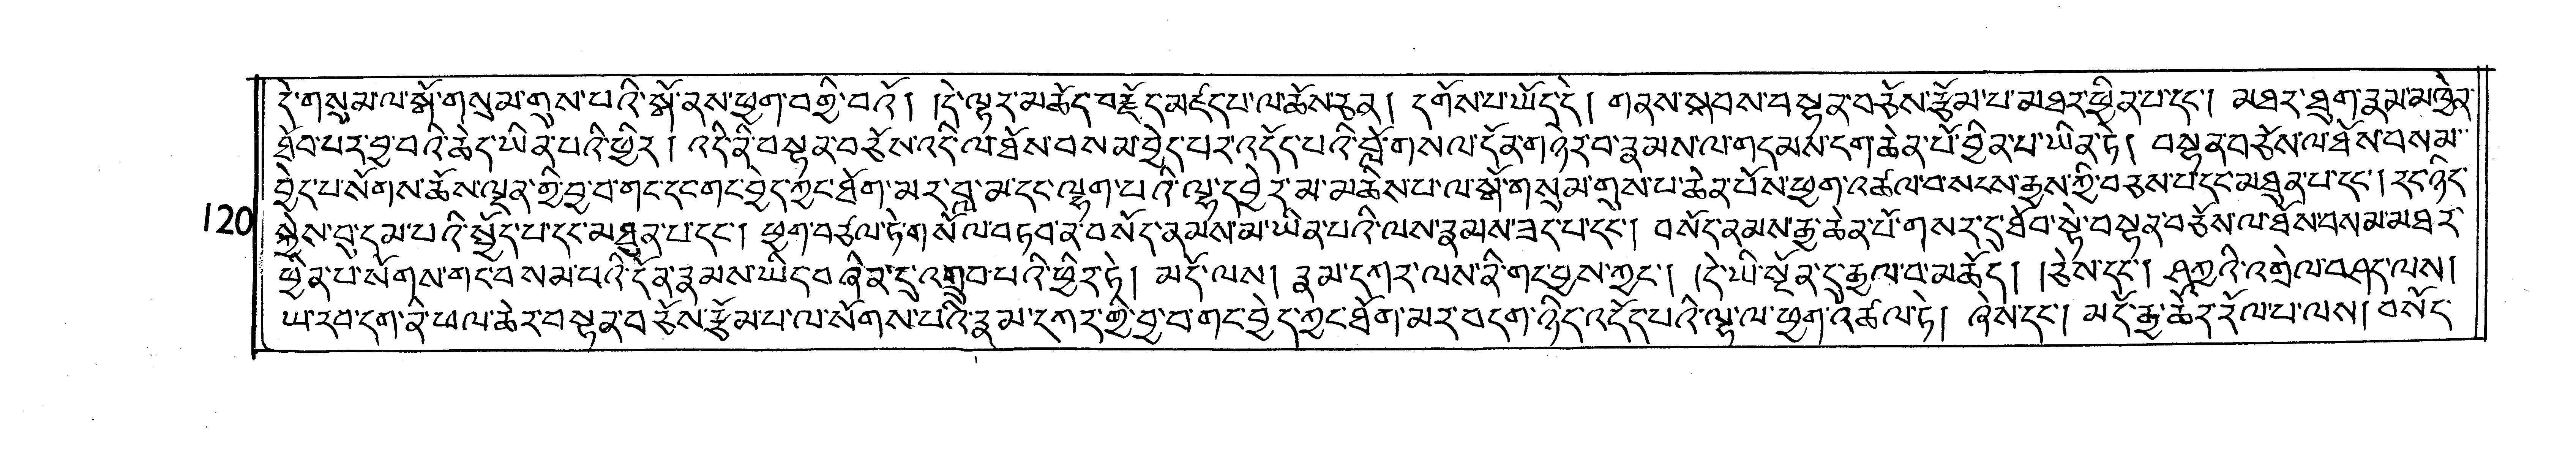དེ་གསུམ་ལ་སྒོ་གསུམ་གུས་པའི་སྒོ་ནས་ཕྱག་བགྱི་བའོ། །དེ་ལྟར་མཆོད་བརྗོད་མཛད་པ་ལ་ཆོས་ཅན། དགོས་པ་ཡོད་དེ། གནས་སྐབས་བསྟན་བཅོས་རྩོམ་པ་མཐར་ཕྱིན་པ་དང་། མཐར་ཐུག་རྣམ་མཁྱེན་
ཐོབ་པར་བྱ་བའི་ཆེད་ཡིན་པའི་ཕྱིར། འདི་ནི་བསྟན་བཅོས་འདི་ལ་ཐོས་བསམ་བྱེད་པར་འདོད་པའི་བློ་གསལ་དོན་གཉེར་བ་རྣམས་ལ་གདམས་ངག་ཆེན་པོ་བྱིན་པ་ཡིན་ཏེ། བསྟན་བཅོས་ལ་ཐོས་བསམ་
བྱེད་པ་སོགས་ཆོས་ལྡན་གྱི་བྱ་བ་གང་དང་གང་བྱེད་ཀྱང་ཐོག་མར་བླ་མ་དང་ལྷག་པའི་ལྷ་དབྱེར་མ་མཆིས་པ་ལ་སྒོ་གསུམ་གུས་པ་ཆེན་པོས་ཕྱག་འཚལ་བ་སངས་རྒྱས་ཀྱི་བཅས་པ་དང་མཐུན་པ་དང་། རང་ཉིད་
སྐྱེས་བུ་དམ་པའི་སྤྱོད་པ་དང་མཐུན་པ་དང་། ཕྱག་བཙལ་ཏེ་གསོལ་བཏབ་ན་བསོད་ནམས་མ་ཡིན་པའི་ལས་རྣམས་ཟད་པ་དང་། བསོད་ནམས་རྒྱ་ཆེན་པོ་གསར་དུ་ཐོབ་སྟེ་བསྟན་བཅོས་ལ་ཐོས་བསམ་མཐར་
ཕྱིན་པ་སོགས་གང་བསམ་པའི་དོན་རྣམས་ཡིད་བཞིན་དུ་འགྲུབ་པའི་ཕྱིར་ཏེ། མདོ་ལས། རྣམ་དཀར་ལས་ནི་གང་བྱས་ཀྱང་། །དེ་ཡི་སྔོན་དུ་རྒྱལ་བ་མཆོད། །ཅེས་དང་། ཤཱཀྱའི་འགྲེལ་བཤད་ལས།
ཡ་རབ་དག་ནི་ཕལ་ཆེར་བསྟན་བཅོས་རྩོམ་པ་ལ་སོགས་པའི་རྣམ་དཀར་གྱི་བྱ་བ་གང་བྱེད་ཀྱང་ཐོག་མར་བདག་ཉིད་འདོད་པའི་ལྷ་ལ་ཕྱག་འཚལ་ཏེ། ཞེས་དང་། མདོ་རྒྱ་ཆེར་རོལ་པ་ལས། བསོད་